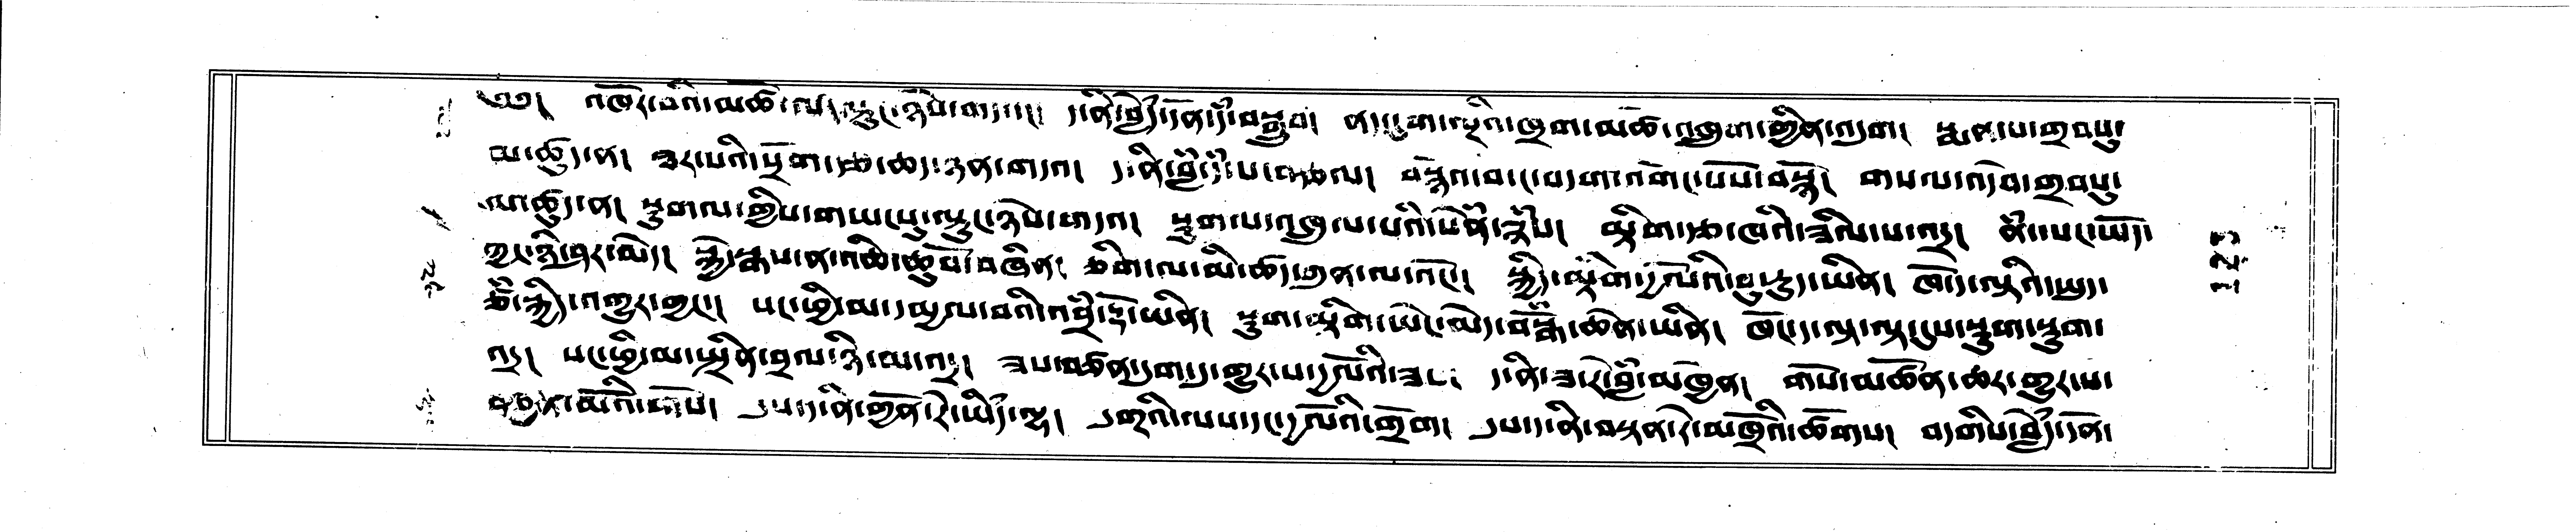འཁོར་བའི་མཚོ་ལ་ལྷུང་ཉེས་གདའ། ད་ནི་བླ་མེད་དོན་དམ་བསྒྲུབ། ནད་དུག་ལྔའི་ཁྲག་མཚོ་འཁྲུག་ཀྱིན་འདུག སྨན་པ་གྲབས་སུ
མ་ཚུད་ན། ཐར་པའི་སྲོག་རྩ་ཆད་ཉེན་གདའ། ད་ནི་བླ་མ་དམ་པ་བཙལ། བསྙོ་བ་ང་བདག་འགོང་པོས་བསྙོ། གསལ་འདེབས་གྲབས་སུ་
མ་ཚུད་ན། སྡུག་བསྔལ་གྱི་གཡང་དུ་ལྷུང་ཉེན་གདའ། སྡུག་བསྔལ་འཁྲུལ་པའི་སེམས་ཅན་རྣམས། མི་རྟག་རྩ་ཁའི་ཟིལ་པ་འདྲ། ནམ་ཡང་ཡོད་
ཀྱང་ཉི་ཤར་མེད། སྐྱེ་རྒ་ན་འཆི་ཆུ་བོ་བཞིན། གཅིག་ལ་མི་ཚད་ཀུན་ལ་འོང་། སྐྱིད་མི་རྟག་རྒྱལ་པོའི་བུ་བརྒྱུད་ཡིན། ཁོ་ད་ལྟའི་ཡུད་
ཙམ་སྐྱིད་གྱུར་ཀྱང་། སང་ཕྱི་མ་དམྱལ་བའི་འགྲམ་རྡོ་ཡིན། སྡུག་མི་རྟག་ཡེངས་མེད་སྒོམ་ཆེན་ཡིན། ཁོང་ད་ལྟ་ལྟ་དུས་སྡུག་སྡུག་
འདྲ། སང་ཕྱི་མ་སྤྲིན་བྲལ་ཉི་མ་འདྲ། ཟས་བཙན་དུག་ཏུ་གྱུར་པ་རྒྱལ་པོའི་ཟས། ད་ནི་ཟ་རེ་བླ་མ་མཁྱེན། གོས་མཚོན་ཆར་གྱུར་པ་
བཙུན་མོའི་གོས། དུས་ད་ནི་གྱོན་རེ་ཡི་དམ་ལྷ། དུག་ལྔའི་ལས་དང་རྒྱལ་པོའི་གྲོགས། དུས་ད་ནི་བསྟན་རེ་མཁའ་འགྲོའི་ཚོགས། བདག་གིས་བླ་མེད་དོན་